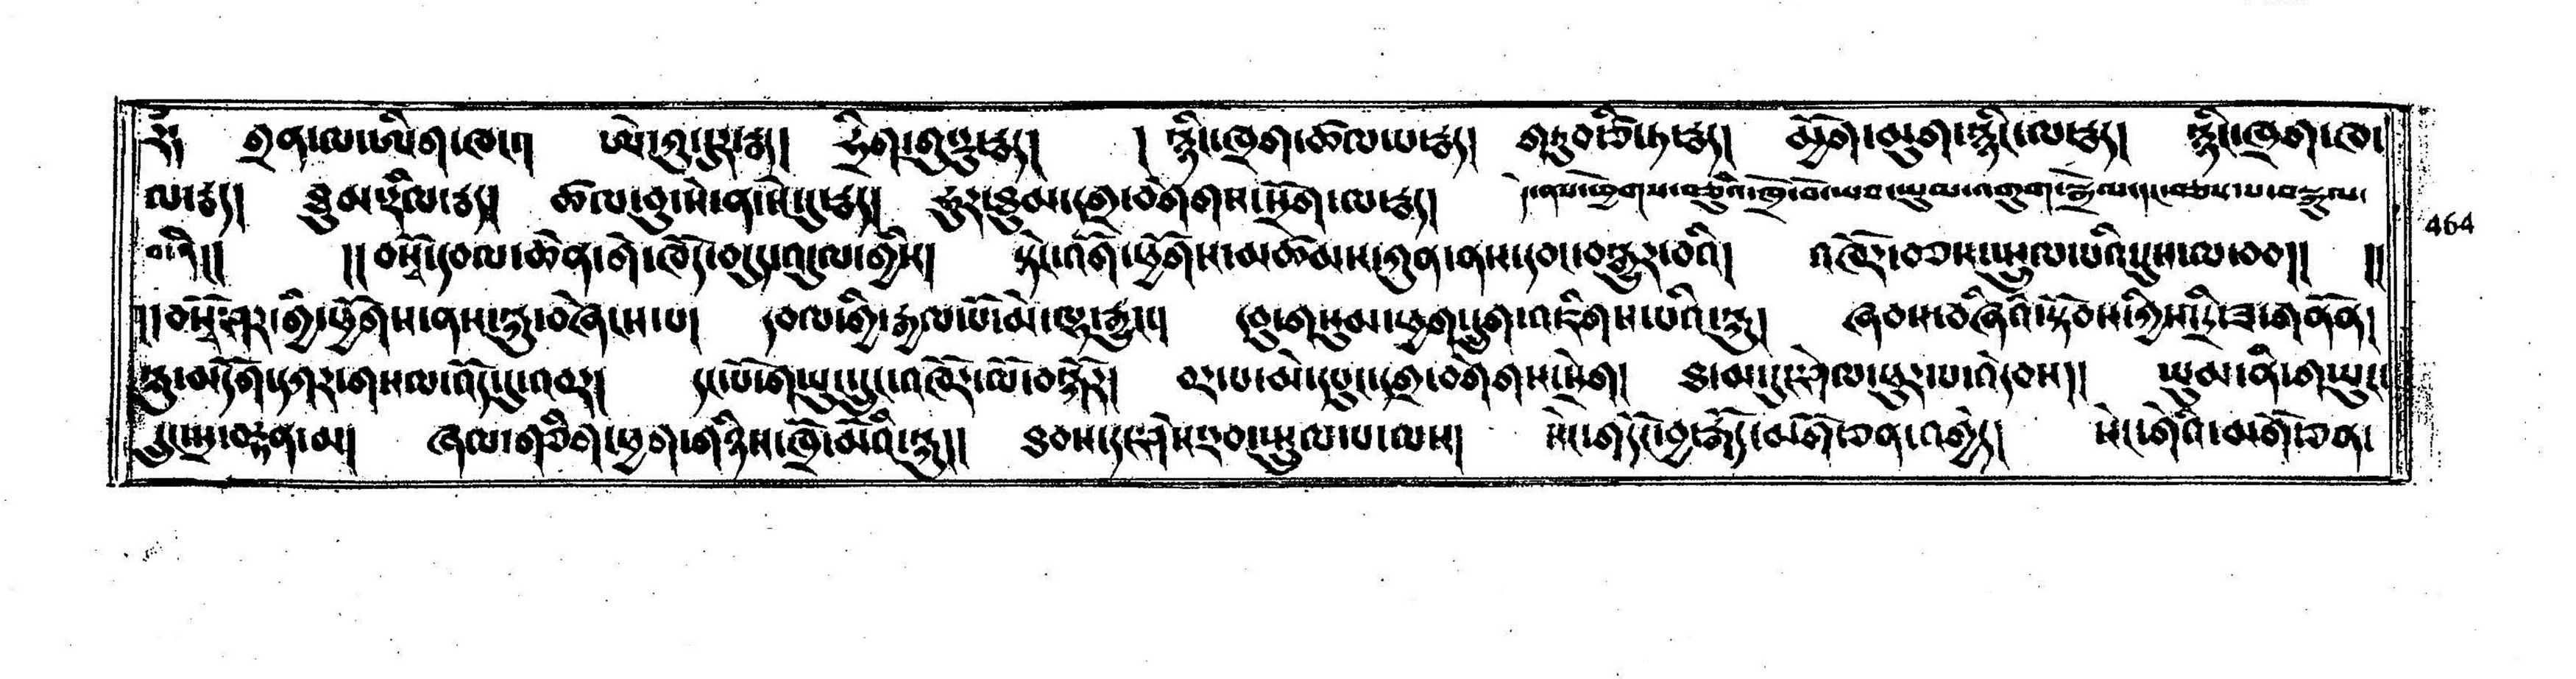རཾ། གྲན་ལ་ཨིག་ཁང་། ཨེ་ཀུ་དུར་རྦད། ཧྲིག་གུ་རུ་རྦད། སྙིང་ཁྲག་ཚལ་པ་རྦད། གཏུབ་ཙི་ཏ་རྦད། མྱོག་མུག་སྙིང་ལ་རྦད། སྙིང་ཁྲག་ཁ་
ལ་རྦད། ཐུམ་རིལ་རྦད། ཚལ་བུ་སེ་ན་སེ་དུ་རྦད། ཧུར་ཐུམ་དགྲ་བགེགས་སྲོག་ལ་རྦད། དེ་ནས་ཕྱོགས་བཅུའི་ཁྲོ་བོ་ཡབ་ཡུམ་འགུག་སྒྲོལ་དང་བཅས་པ་བསྐུལ་
བ་ནི།། །།བསྭོ་དབལ་ཆེན་གེ་ཁོད་བདུད་འདུལ་གྱིས།། སྟེང་འོག་ཕྱོགས་མཚམས་ཀུན་ནས་དབང་བསྒྱུར་བའི། འཁོར་བཅས་སྤྲུལ་པའི་དུས་ལ་བབ།། 
།།བསྭོ་ཤར་གྱི་ཕྱོགས་ནས་སྐུ་བཞེངས་པ། དབལ་{478}གྱི་རྒྱལ་པོ་མེ་ལྷ་རྒྱུང་། དབུ་གསུམ་ཕྱག་དྲུག་འཇིགས་པའི་སྐུ། ཞབས་བཞིའི་སྟོབས་ཀྱིས་དྲི་ཟ་གནོན། 
སྐུ་མདོག་དཀར་གསལ་འོད་དུ་འབར། དང་པོ་གཡུང་དྲུང་འཁོར་ལོ་བསྐོར། བར་པ་མེ་དཔུང་དགྲ་བགེགས་སྲེག ཐ་མ་དུང་ཤེལ་ཕུར་པ་འདེབས། ཡུམ་ནི་གཡུང་
དྲུང་སྲ་བརྟན་མ། ཞལ་གཅིག་ཕྱག་གཉིས་ཁྲོ་མོའི་སྐུ།། ཐབས་དང་ཤེས་རབ་སྤྲུལ་པ་ལས། སེང་གདོང་བྱ་རྒོད་མགོ་ཅན་འགྱེད། སེང་གེའི་མགོ་ཅན་